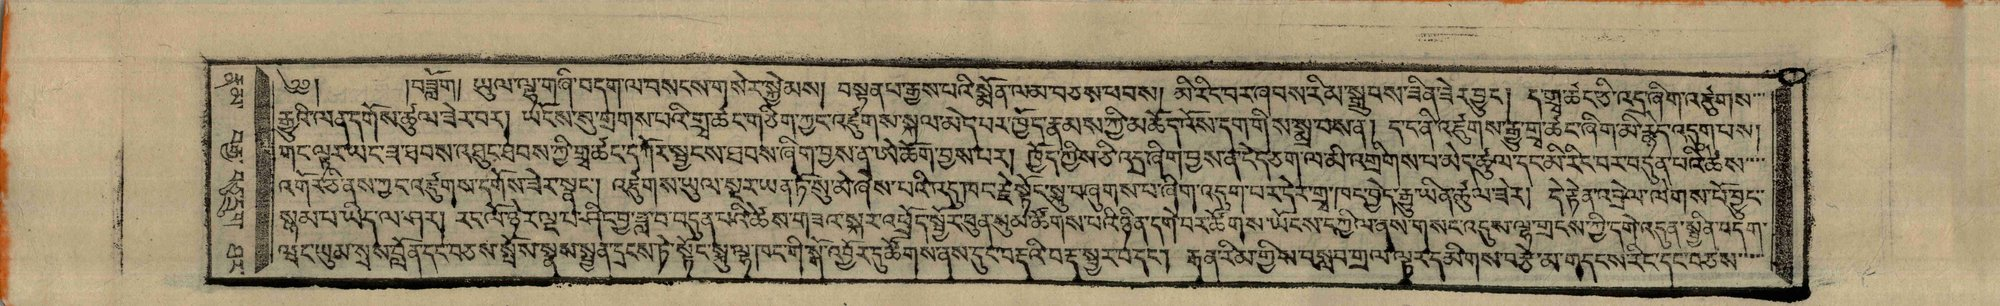༄༅། །བཟློག །ཡུལ་ལྷ་གཞི་བདག་ལ་བསངས་གསེར་སྐྱེམས། བསྟན་པ་རྒྱས་པའི་སྨོན་ལམ་བཅས་ཕབས། མི་རིང་བར་ཞབས་རིམ་སྒྲུབས་ཟིན་ཟེར་བྱུང་། དགྲྭ་ཚང་ཅི་འདྲ་ཞིག་འཛུགས་
རྒྱུའི་ལན་དགོས་ཚུལ་ཟེར་བར། ཡོངས་སུ་གྲགས་པའི་གྲྭ་ཚང་གཅིག་ཀྱང་འཛུགས་སྐལ་མེད་པར་ཁྱོད་རྣམས་ཀྱི་མཆོད་འོས་དག་གིས་སྨྲ་བས་ན། ད་ང་ནི་འཛུགས་རྒྱུ་གྲྭ་ཚང་ཞིག་མི་རྙེད་འདུག་པས།
གང་ལྟར་ཡང་ཟ་ཐབས་འཐུང་ཐབས་ཀྱི་གྲྭ་ཚང་དཀོར་སྦྱངས་ཐབས་ཞིག་བྱས་ན་ཨེ་ཆོག་བྱས་པར། ཁྱོད་ཀྱིས་ཅི་འདྲ་ཞིག་བྱས་ན་ངེད་ཅག་ལ་མི་འགྲིགས་པ་མེད་ཚུལ་དང་མི་རིང་བར་བདུན་པའི་ཚེས་
འགོར་ཅི་ནས་ཀྱང་འཛུགས་དགོས་ཟེར་སྣང་། འཛུགས་ཡུལ་སྔར་ཡན་ཏོ་སུ་མེ་ཞེས་པའི་འདུ་ཁང་རྗེ་སྟོང་སྐུ་བཞུགས་པ་ཞིག་འདུག་པར་དེར་གྲྭ་ཁང་བྱེད་རྒྱུ་ཡིན་ཚུལ་ཟེར། དེ་རྟེན་འབྲེལ་ལེགས་པོ་བྱུང་
སྙམ་པ་ཡིད་ལ་ཤར། རང་ལོ་ཉེར་ལྔ་པ་ཤིང་བྱ་ཟླ་བ་བདུན་པའི་ཚེས་གཟའ་སྐར་འཕྲོད་སྦྱོར་ཕུན་སུམ་ཚོགས་པའི་ཉིན་དགེ་བར་ཚོགས་ཡོངས་དཀྱིལ་ནས་གསང་འདུས་?་?་?་?་?་འདུན་སྦྱིན་བདག་
ཝང་ཡུམ་སྲས་བློན་དང་བཅས་སྤོས་སྣས་སྤྱན་དྲངས་ཏེ་སྟོང་སྐུ་ལྷ་ཁང་གི་སྒོ་འབྱོར་དུ་ཚོགས་ནས་དུང་བརྡའི་བརྡ་སྦྱར་བ་དང་། རྒན་རིམ་གྱིས་བསླབ་གྲལ་ལྟར་དམིགས་བརྩེ་མ་གདངས་རིང་དང་བཅས་